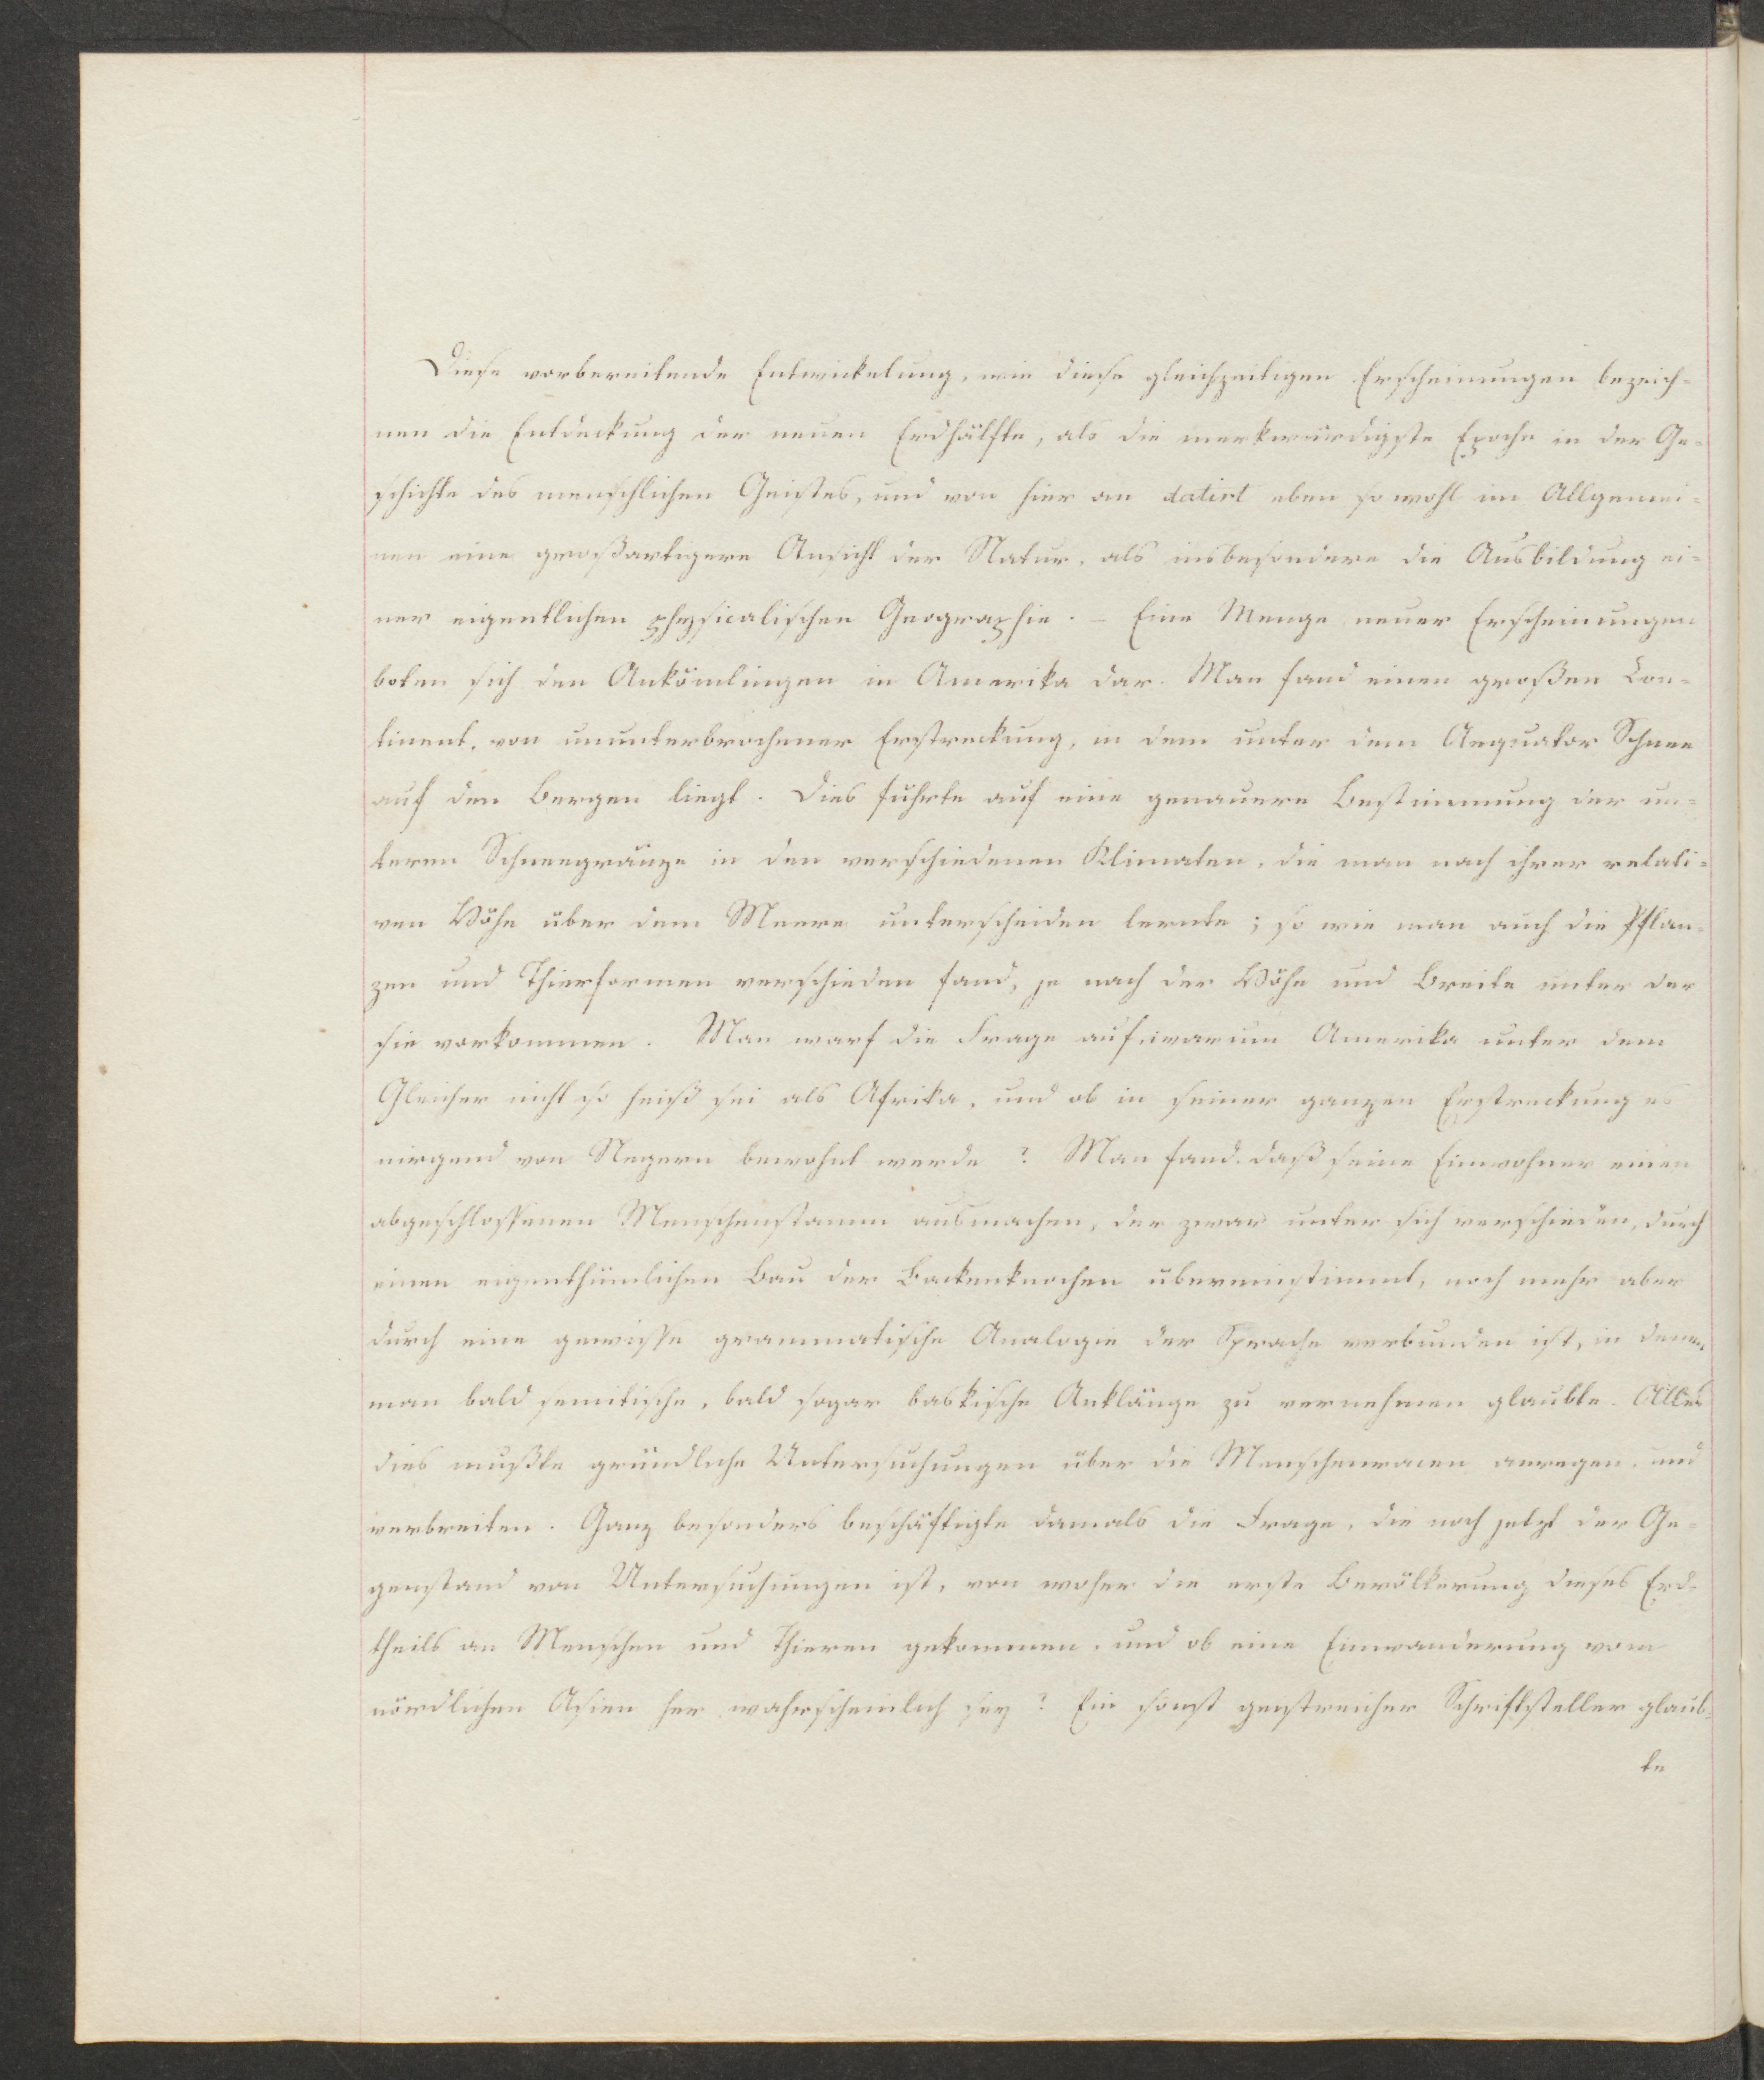Diese vorbereitende Entwickelung, wie diese gleichzeitigen Erscheinungen bezeich-
nen die Entdeckung der neuen Erdhälfte, als die merkwürdigste Epoche in der Ge-
schichte des menschlichen Geistes, und von hier an datirt eben so wohl im Allgemei-
nen eine großartigere Ansicht der Natur, als insbesondere die Ausbildung ei-
ner eigentlichen physicalischen Geographie. – Eine Menge neuer Erscheinungen
boten sich den Ankömlingen in Amerika dar. Man fand einen großen Con-
tinent, von ununterbrochener Erstreckung, in dem unter dem Aequator Schnee
auf den Bergen liegt. Dies führte auf eine genauere Bestimmung der un-
teren Schneegränze in den verschiedenen Klimaten, die man nach ihrer relati-
ven Höhe über dem Meere unterscheiden lernte; so wie man auch die Pflan-
zen und Thierformen verschieden fand, je nach der Höhe und Breite unter der
sie vorkommen. Man warf die Frage auf, warum Amerika unter dem
Gleicher nicht so heiß sei als Afrika, und ob in seiner ganzen Erstreckung es
nirgend von Negern bewohnt werde? Man fand, daß seine Einwohner einen
abgeschlossenen Menschenstamm ausmachen, der zwar unter sich verschieden, durch
einen eigenthümlichen Bau der Backenknochen übereinstimmt, noch mehr aber
durch eine gewisse grammatische Analogie der Sprache verbunden ist, in denen
man bald semitische, bald sogar baskische Anklänge zu vernehmen glaubte. Alles
dies mußte gründliche Untersuchungen über die Menschenracen anregen, und
verbreiten. Ganz besonders beschäftigte damals die Frage, die noch jetzt der Ge-
genstand von Untersuchungen ist, von woher die erste Bevölkerung dieses Erd-
theils an Menschen und Thieren gekommen, und ob eine Einwanderung vom
nördlichen Asien her wahrscheinlich sey? Ein sonst geistreicher Schriftsteller glaub-
te